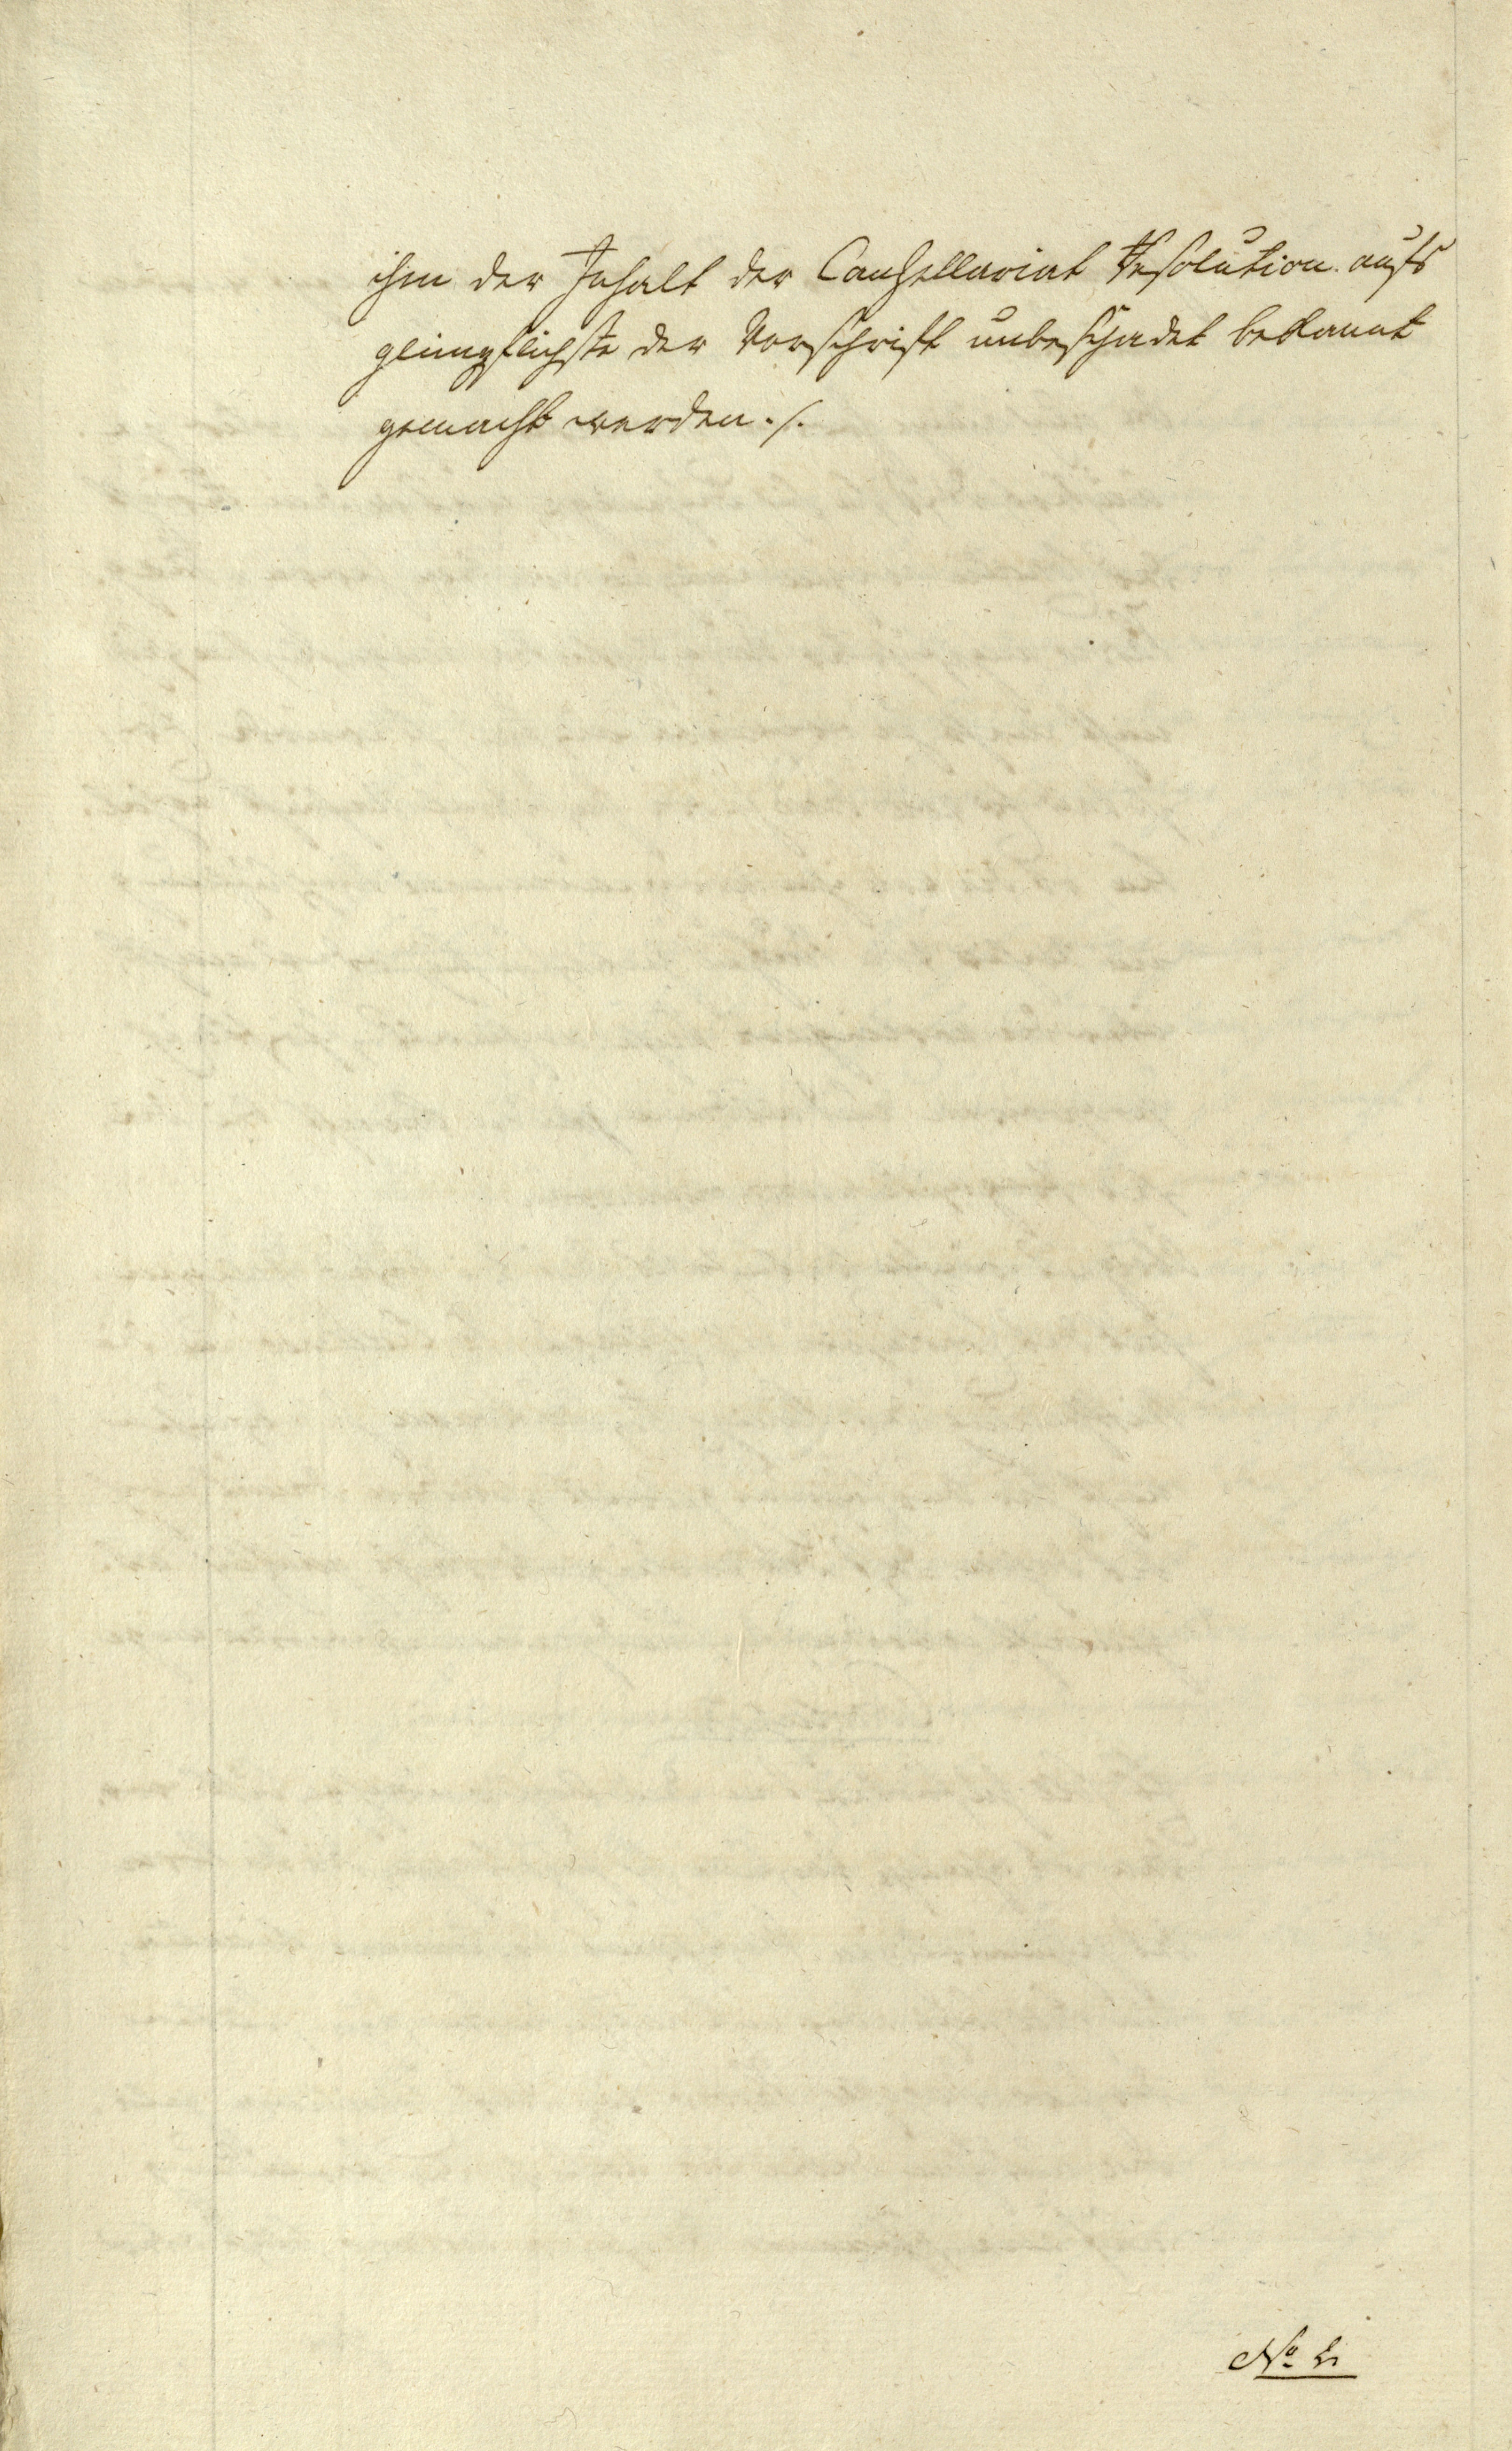ihm der Inhalt der Canzellariat Resolution aufs
glimpflichste der Vorschrift unbeschadet bekannt
gemacht werden.